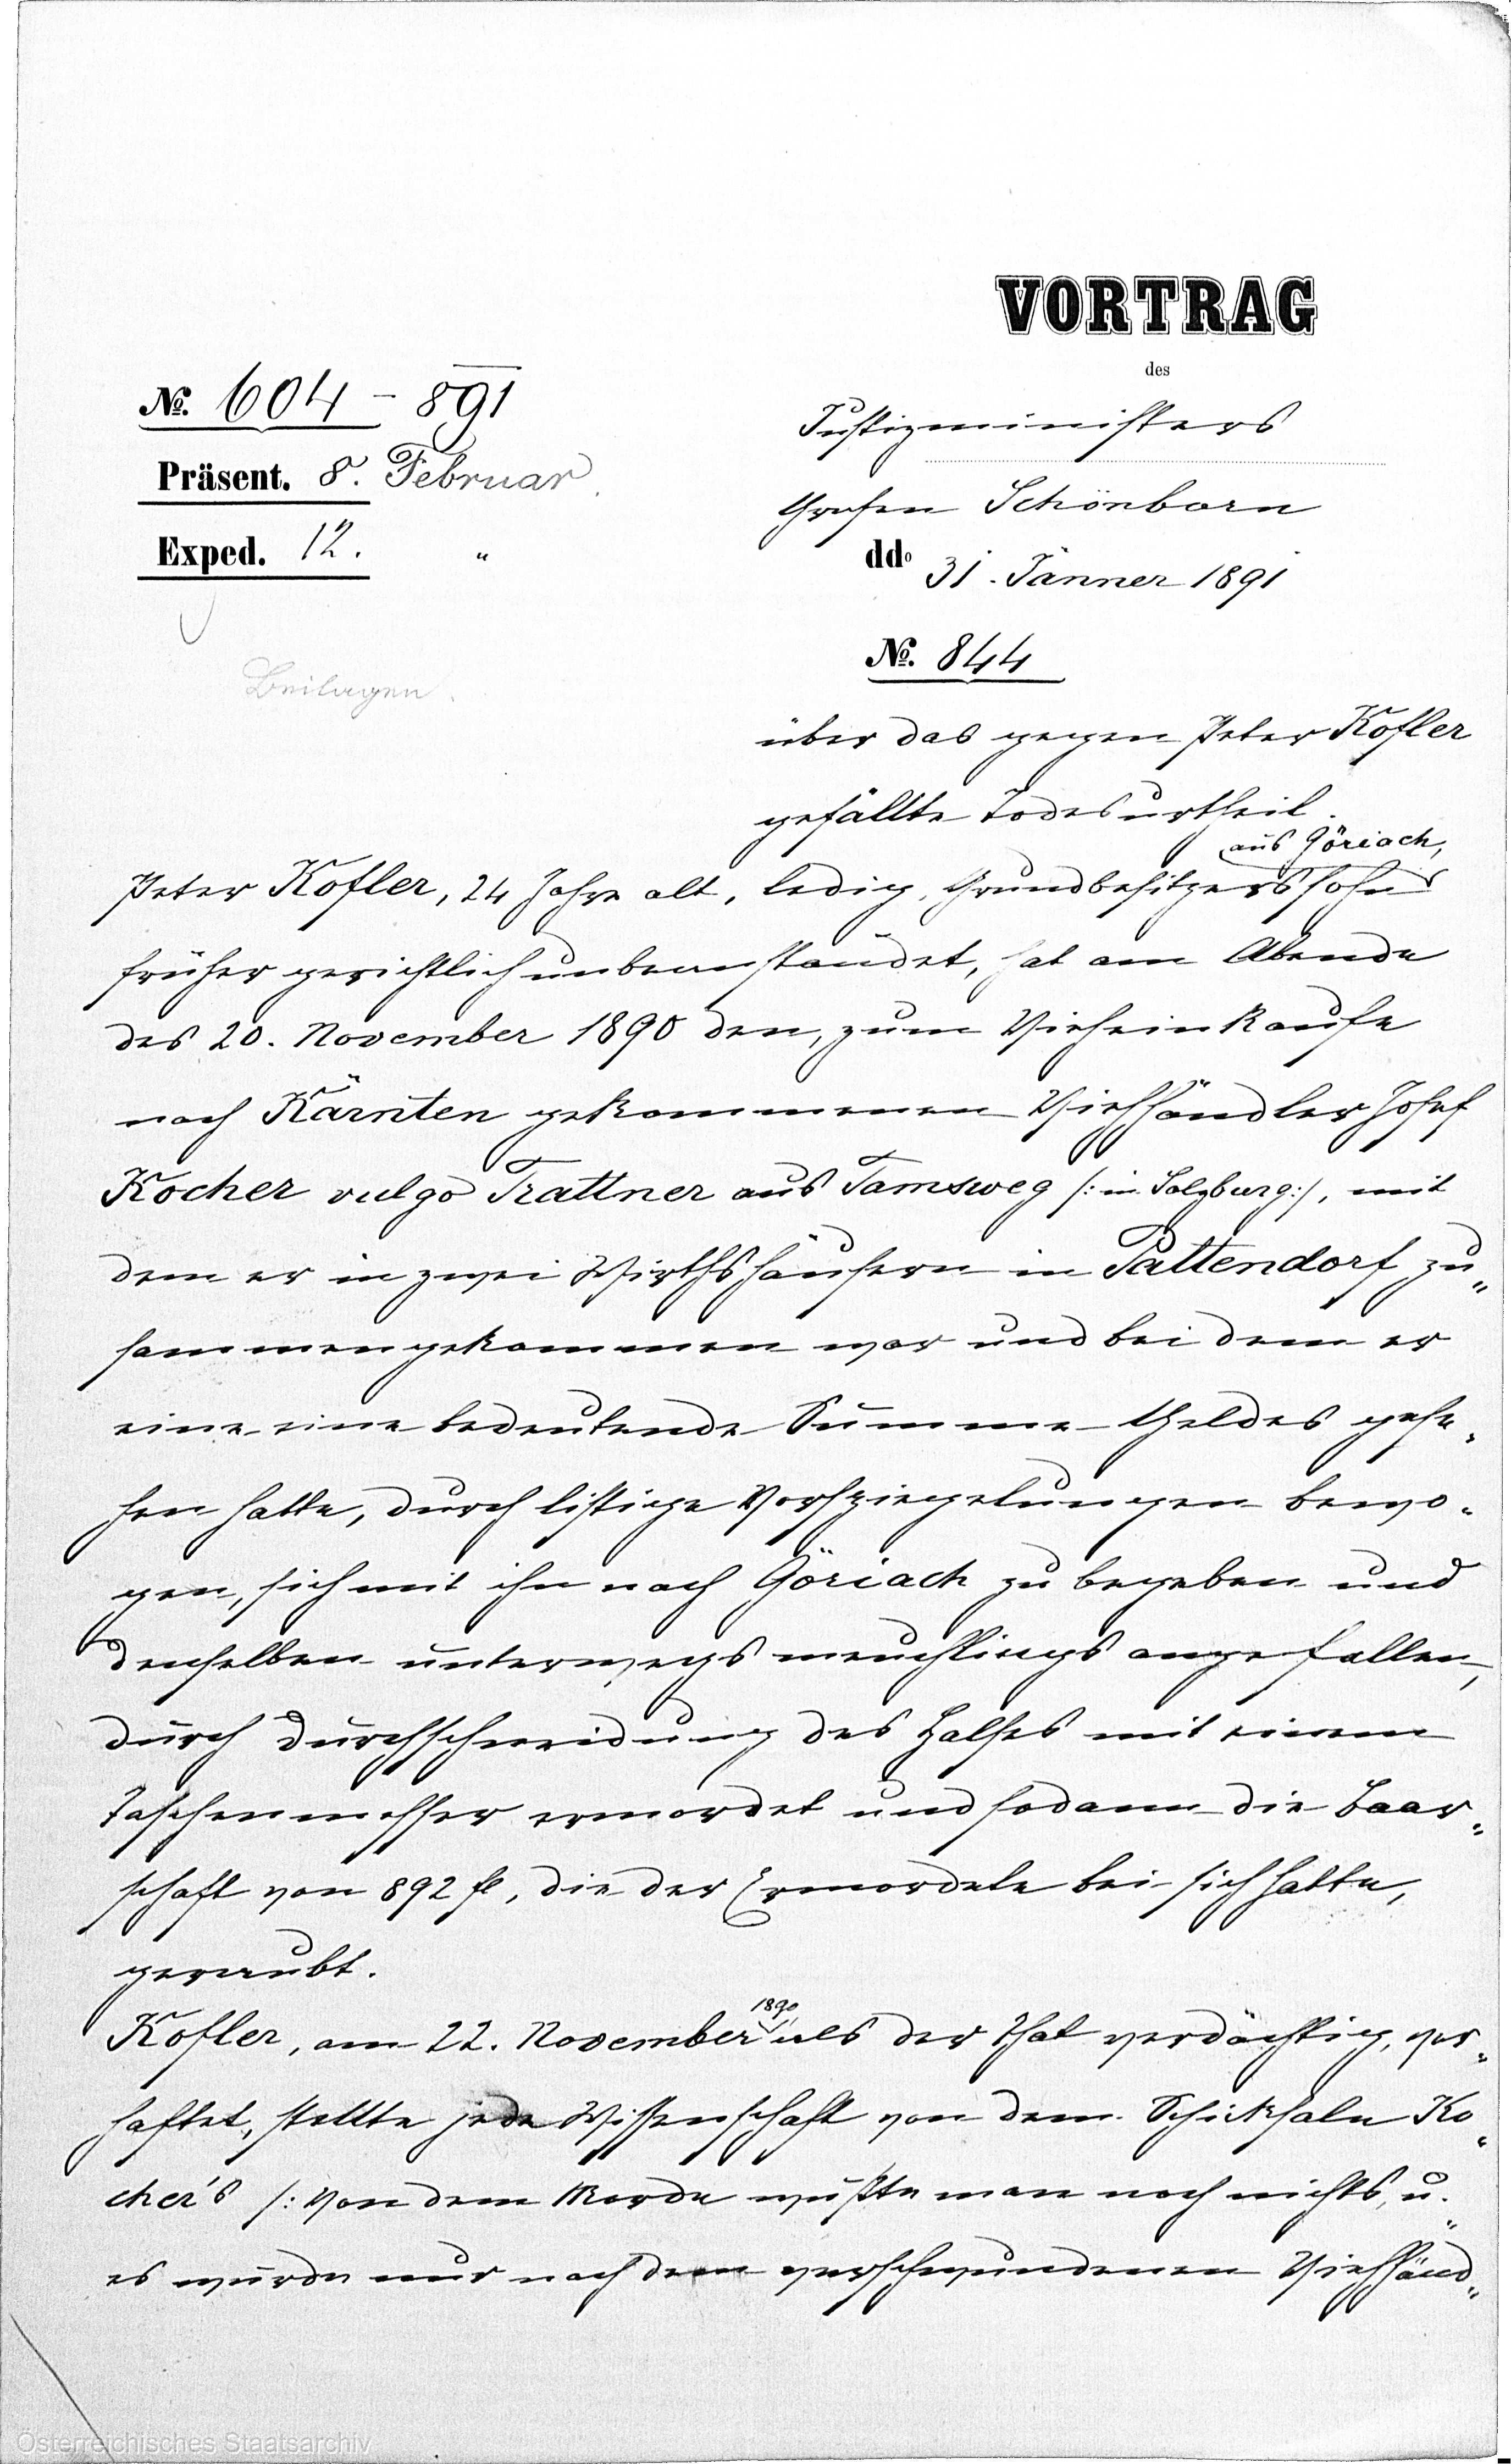VORTRAG
des
Justizministers
Grafen Schönborn
Ddo 31 Jänner 1891
No 844
Über das gegen Peter Kofler
gefällte Todesurtheil.
aus Göriach,
Peter Kofler, 24 Jahre alt, ledig, Grundbesitzersohn
früher gerichtlich unbeanstandet, hat am Abende
des 20. November 1890 den, zum Vieheinkaufe
nach Kärnten gekommenen Viehhändler Josef
Kocher vulgo Trattner aus Tamsweg (in Salzburg), mit
dem er in zwei Wirthshäusern in Pattendorf zu¬
sammengekommen war und bei dem er
eine eine bedeutende Summe Geldes gese¬
hen hatte, durch listige Vorspielungen bewo¬
gen, sich mit ihn nach Göriach zu begeben und
denselben unterwegs meuchlings angefallen,
durch Durchschneidung des Halses mit einem
Taschenmesser ermordet und sodann die Baar¬
schaft von 892 fl die der Ermordete bei sich hatte,
geraubt.
1890
Kofler, am 22. November als der That verdächtig, ver¬
haftet, stellte jede Wissenschaft von dem Schicksale Ko¬
cher’s (von dem Morde wußte man noch nichts u.
es wurde nur nach dem verschwundenen Viehhänd¬
No. 604 – 1891
Präsent. 8. Februar
Expedit 12. Februar
Beilagen